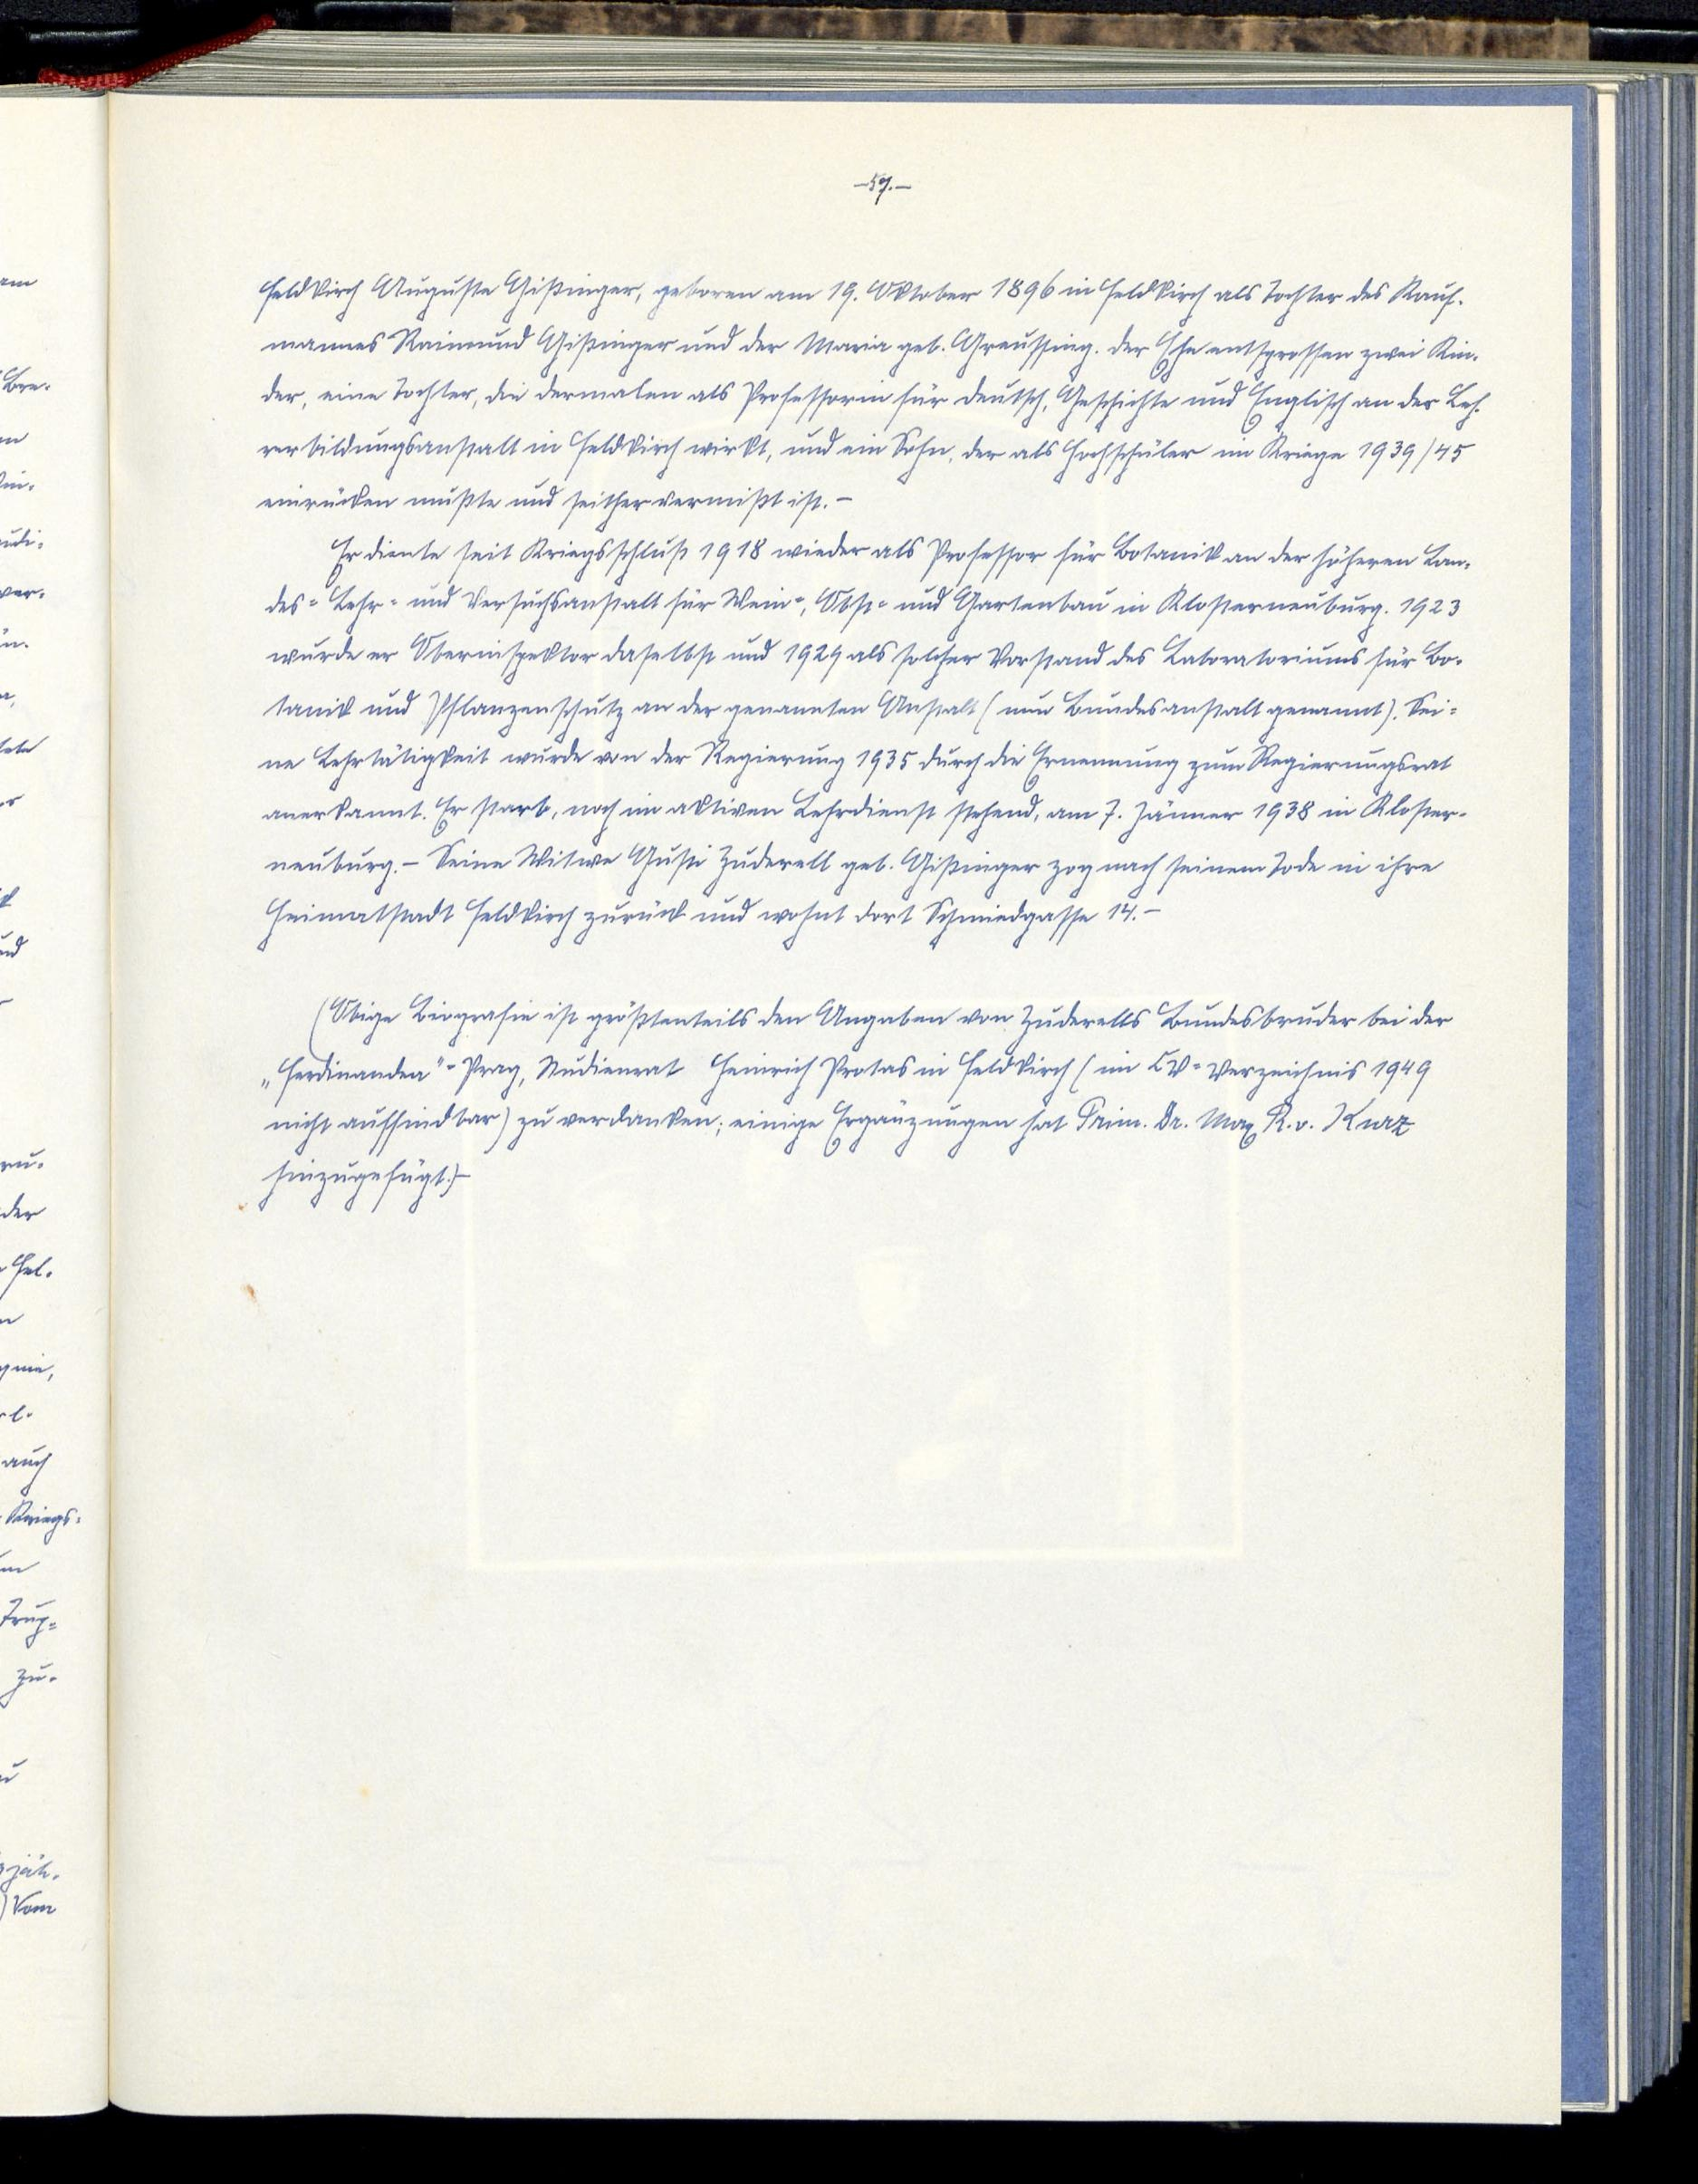57
Feldkirch Augusta Gißsinger, geboren am 19. Oktober 1896 in Feldkirch als Tochter des Kauf-
mannes Raimund Gißinger und der Maria geb. Greussing. Der Ehe entsprossen zwei Kin-
eine Tochter, die dermalen als Professorin für Deutsch, Geschichte und Englisch an der Leh
rerbildungsanstalt in Feldkirch wirkt, und einen Sohn, der als Hochschüler im Kriege 1939/45
einrücken musste und seither vermisst ist.
Er diente seit Kriegsschluss 1918 wieder als Professor für Botanik an der höheren Lan-
des-Lehr- und Versuchsanstalt für Wein-, Obst- und Gartenbau in Klosterneuburg. 1923
wurde er Oberinspektor daselbst und 1929 als solcher Vorstand des Laboratoriums für Bo-
tanik und Pflanzenschutz an der genannten Anstalt (nun Bundesanstalt genannt). Sei-
ne Lehrtätigkeit wurde von der Regierung 1935 durch die Ernennung zum Regierungsrat
anerkannt. Er starb, noch im aktiven Lehrdienst stehend, am 7. Jänner 1938 in Kloster-
neuburg.-Seine Witwe Gusti Zuderell geb. Gißinger zog nach seinem Tode in ihre
Heimatstadt Feldkirch zurück und wohnt dort. Schmidgasse 14.-
(Obige Biografie ist größtenteils den Angaben von Zuderells Bundesbruder bei der
„Ferdinandea“ Prag, Studienrat Heinrich Protas in Feldkirch (im CV-Verzeichnis 1949
nicht auffindbar) zu verdanken; einige Ergänzungen hat Prim. Dr. Max R. v. Kurz
hinzugefügt.)